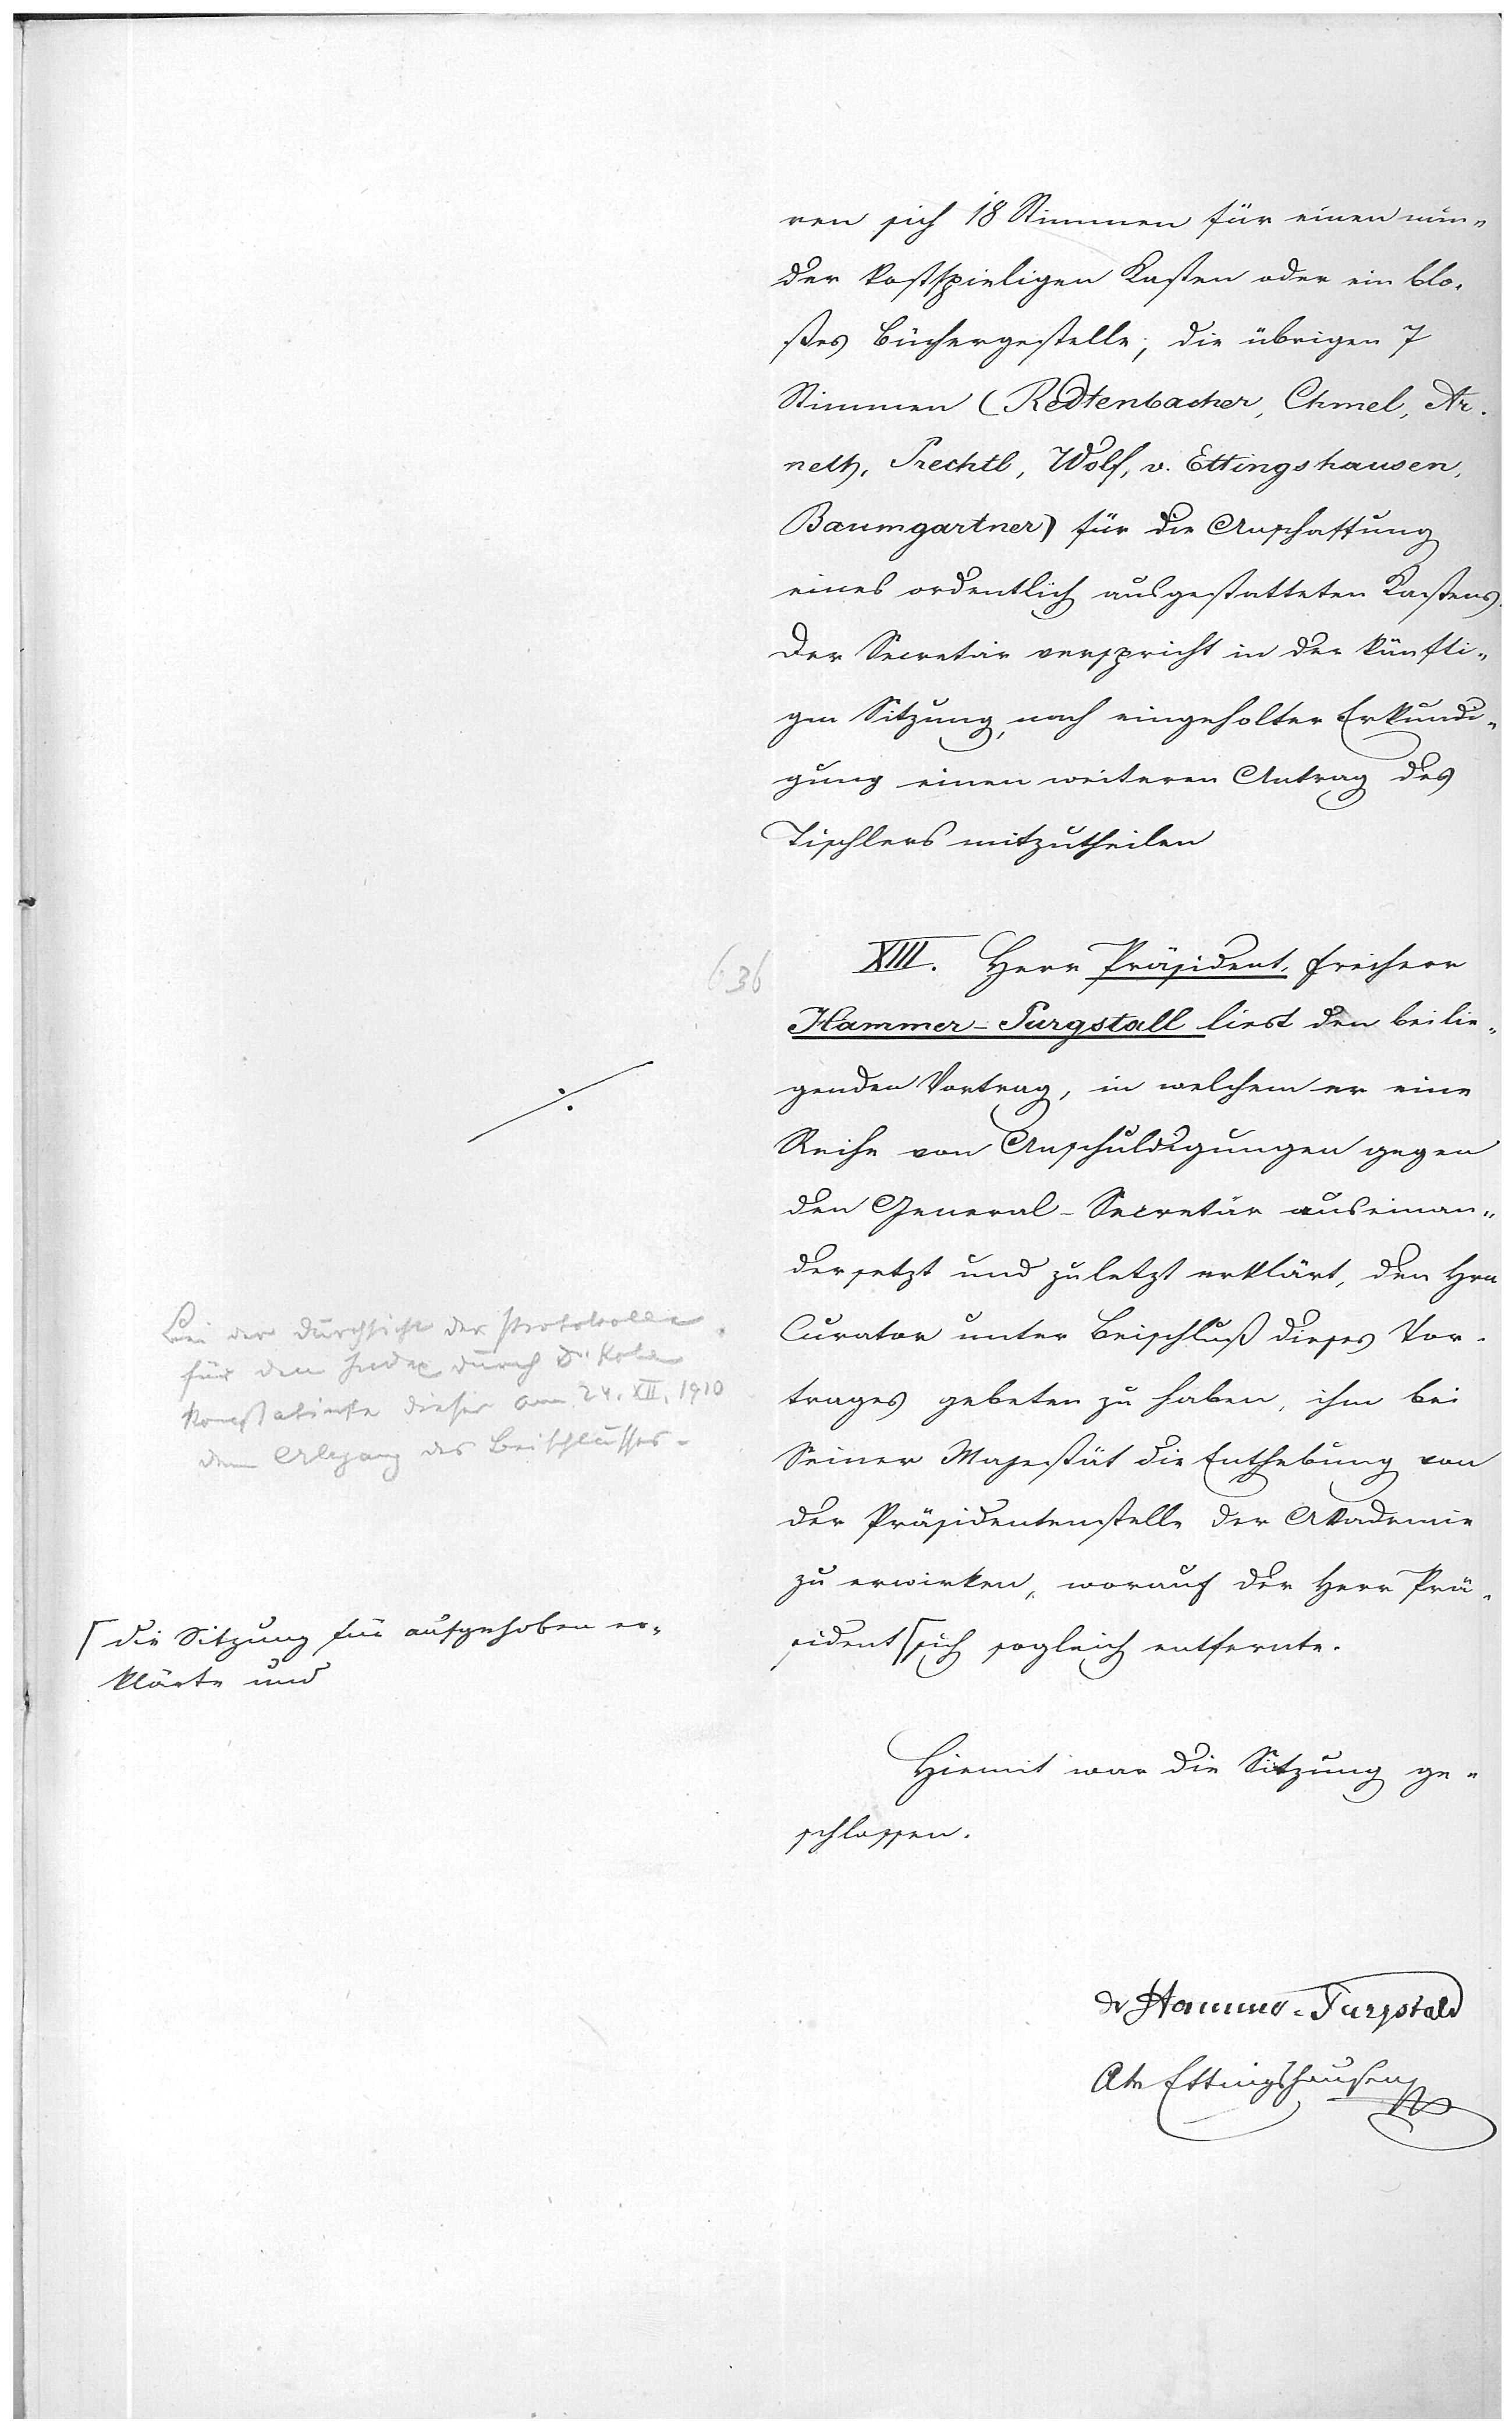ren sich 18 Stimmen für einen min-
der köstspieligen Kasten oder ein blo-
ßes Büchergestelle; die übrigen 7
Stimmen (Redtenbacher, Chmel, Ar-
neth, Prechtl, Wolf, v. Ettingshausen,
Baumgartner) für die Anschaffung
eines ordentlich ausgestatteten Kastens
Der Secretär verspricht in der künfti-
gen Sitzung, nach eingeholter Erkundi-
gung einen weiteren Antrag des
Tischlers mitzutheilen.
XIII. Herr Präsident, Freiherr
Hammer-Purgstall liest den beilie-
genden Vortrag, in welchem er eine
Reihe von Anschuldigungen gegen
den General-Secretär auseinan-
dersetzt und zuletzt erklärt, den Hrn.
Curator unter Beischluß dieses Vor-
trages gebeten zu haben, ihm bei
Seiner Majestät die Enthebung von
der Präsidentenstelle der Akademie
zu erwirken, worauf der Herr Prä-
sident sich sogleich entfernte.
Bei der Durchsicht der Protokolle
für den Index durch Dr Kohl
konstatierte dieser am 24. XII. 1910
den Abgang des Beischlusses.
die Sitzung für ausgehoben er-
klärte und
Hiemit war die Sitzung ge-
schlossen.
Dr Hammer-Purgstall
AvEttingshausen